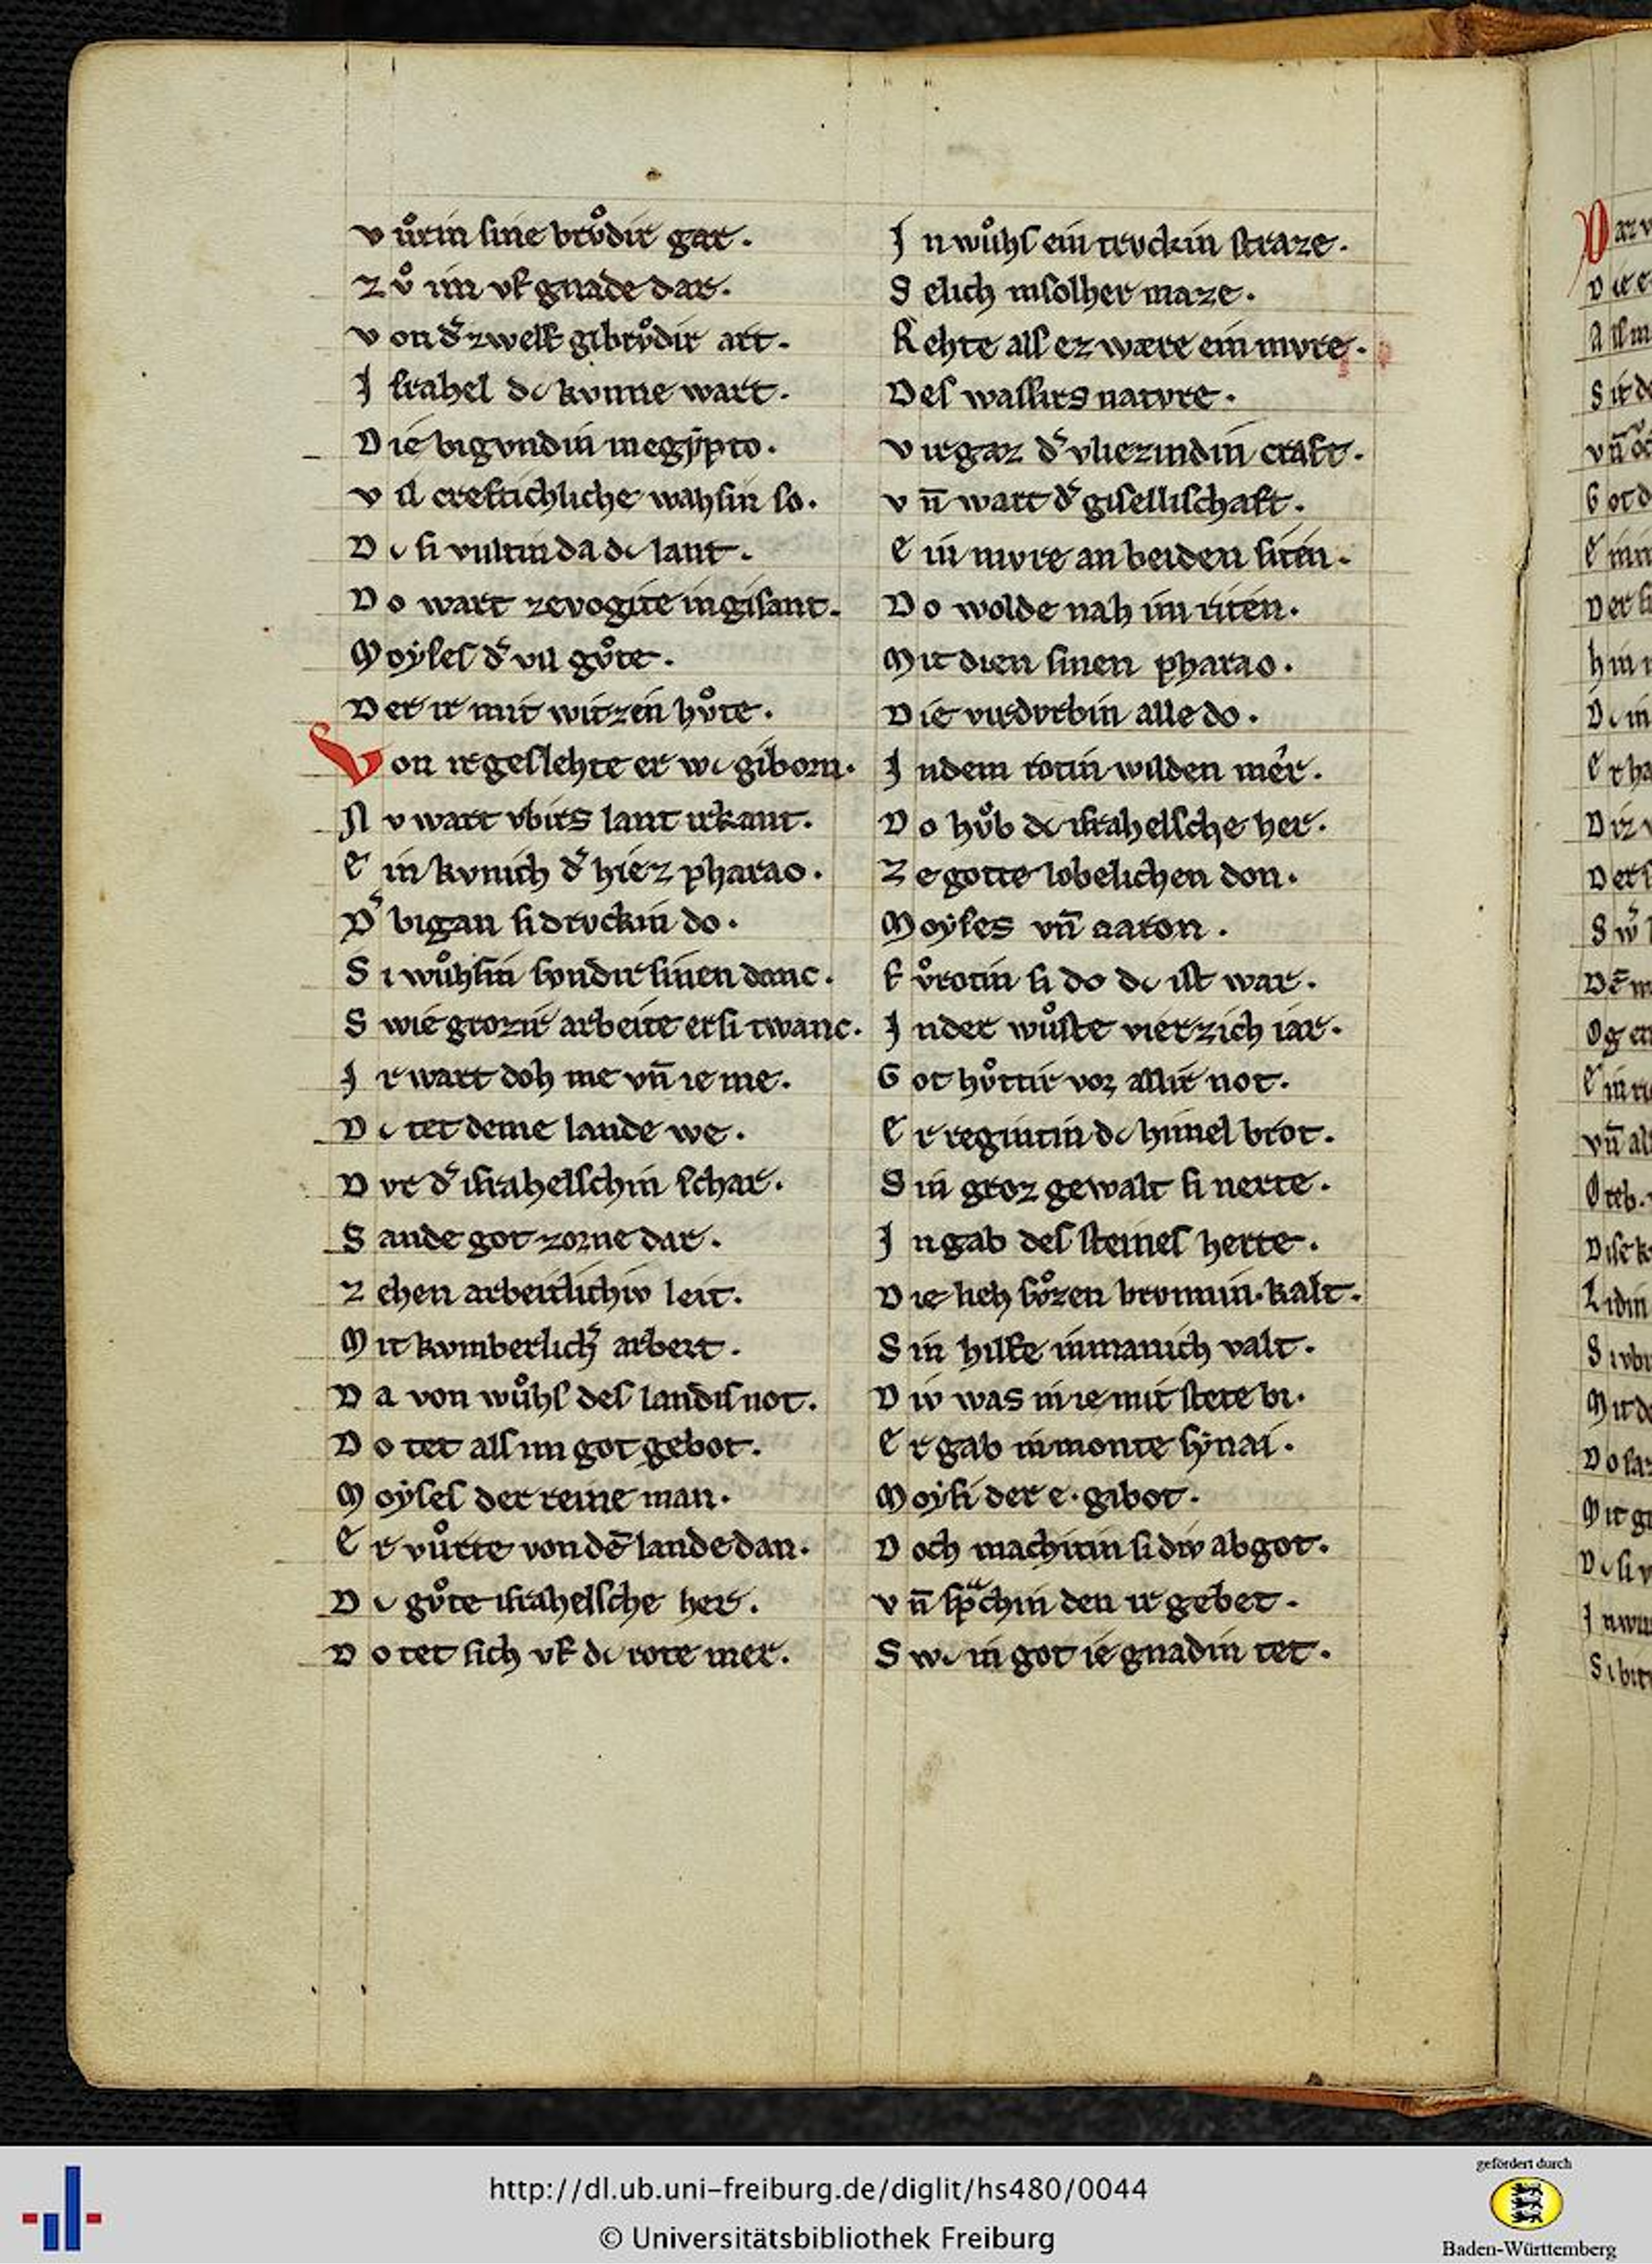Vu°orin ſine brv°odir gar.
Zv°o im vf gnade dar.
Von d(er) zwelf gibrv°odir art.
Iſrahel d(az) kvnne wart.
Die bigvndin inegypto.
Vil creftichliche wahſin ſo.
D(az) ſi vultin da d(az) lant.
Do wart zevogite ingiſant.
Moyſeſ d(er) vil gv°ote.
Der ir mit witzen hv°ote.
*Von irgeſlehte er w(az) giborn.
Nv wart vbirs lant irkant.
Ein kvnich d(er) hiez pharao.
D(er) bigan ſi drvckin do.
Si wu°ohſin ſvndir ſinen danc.
Swie grozir arbeite erſi twanc.
Ir wart doh me vn(d) ie me.
D(az) tet deme lande we.
Dvr d(er) iſrahelſchin ſchar.
Sande got zorne dar.
Zehen arbeitlichiv leit.
Mit kvmberlich(er) arbeit.
Da von wu°ohſ deſ landiſ not.
Do tet alſ im got gebot.
Moyſeſ der reine man.
Er vu°orte von de(m) lande dan.
D(az) gv°ote iſrahelſche her.
Do tet ſich vf d(az) rote mer.
In wu°ohſ ein trvckin ſtraze.
Selich inſolher maze.
Rehte alſ ez w[ae]re ein mvre.
Deſ waſſirs natvre.
Virgaz d(er) vliezindin craft.
Vn(d) wart d(er) giſelliſchaft.
Ein mvre an beiden ſiten.
Do wolde nah im riten.
Mit dien ſinen pharao.
Die virdvrbin alle do.
Indem rotin wilden mer.
Do hv°ob d(az) iſrahelſche her.
Ze gotte lobelichen don.
Moyſes vn(d) aaron.
Fv°orotin ſi do d(az) iſt war.
Inder wu°oſte vierzich iar.
Got hv°ottir vor allir not.
Er regintin d(az) himel brot.
Sin groz gewalt ſi nerte.
In gab deſ ſteineſ herte.
Die lieh ſv°ozen brvnnin. kalt.
Sin hilfe inmanich valt.
Div was in ie mit ſtete bi.
Er gab in monte ſynai.
Moyſi der e. gibot.
Doch machitin ſi div abgot.
Vn(d) ſp(ra)chin den ir gebet.
Sw(az) in got ie gnadin tet.